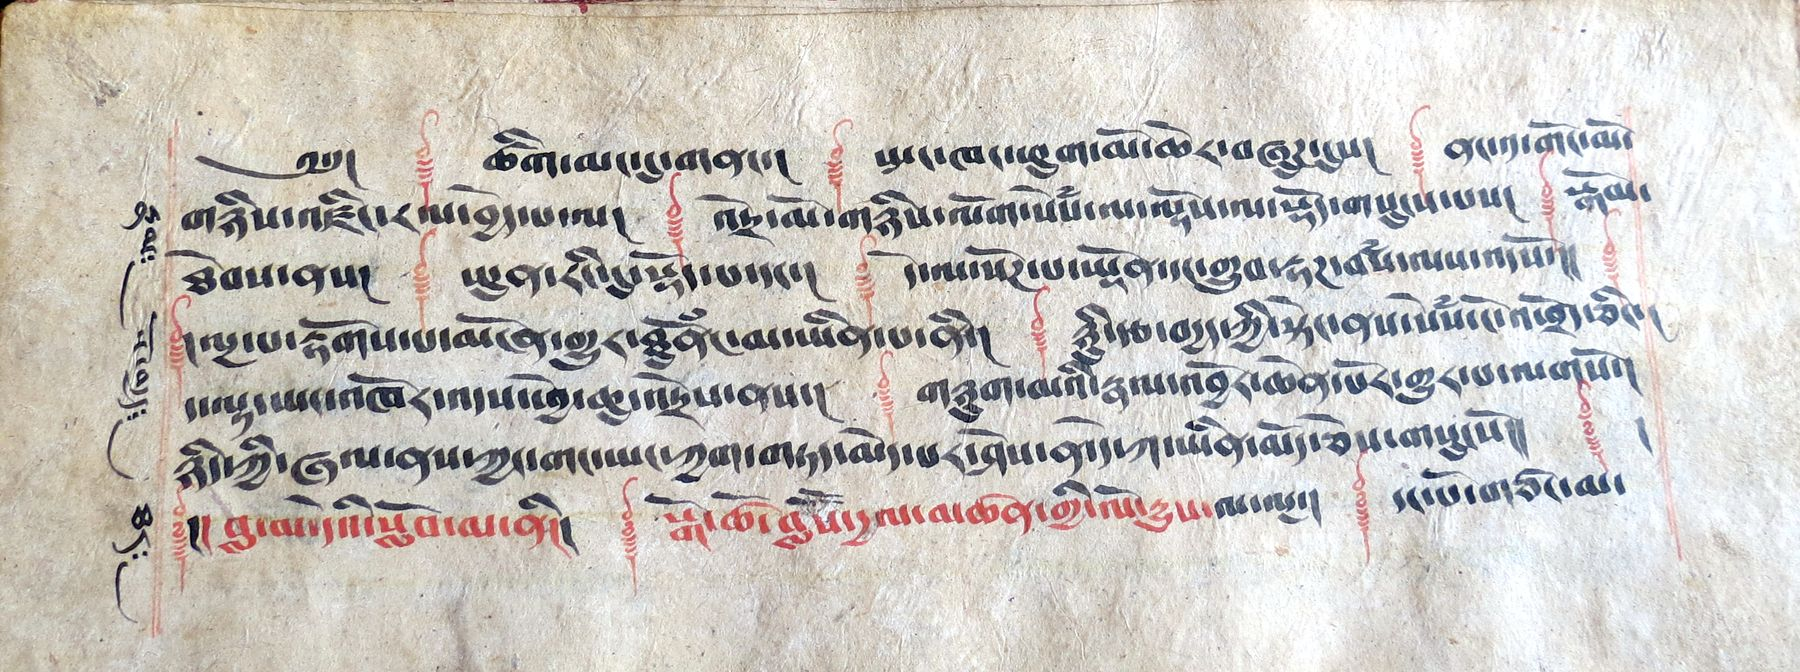ཚིག་མང་དུ་གནང་། སྤང་ཁང་ཕུག་མོ་ཆེར་བཞུགས་དུས། ནང་ཅིག་གོང་མོ་
གཉིས་འཛིང་རལ་བྱེད་པ་ལ། འདྲེ་མོ་གཉིས་ལོག་སེམས་ལ་ལྟོས་ལ་སྡོད་གསུང་པས། སྒོམ་
ཐེབས་ནས། ཡུན་རིང་དུ་སྡོད་པ་དང་། དེ་ལ་སོགས་པ་ཡོན་ཏན་དང་གྲུབ་རྟགས་བསམ་ལས་འདས་སོ། ། 
ལྔ་པ་རྟོགས་པ་མངོན་གྱུར་ཐུན་མོང་མ་ཡིན་པ་ནི། ཉི་ཤུ་རྩ་བརྒྱད་ཀྱི་སྟེང་ནས་སེམས་ངོ་འཕྲོད་ཅིང་། 
ད་ལྟ་ཡང་འཁོར་འདས་ཕྱེ་ཆུ་འདྲེས་ནས། གཉུག་མའི་རྣལ་འབྱོར་ཆེན་པོར་གྱུར་པ་ལགས་སོ། ། 
ཉིད་ཀྱི་ཞལ་ནས་ཀྱང་གང་ཡང་ཀྱག་གཏད་མེད་པར་ཤེས་ན་དེ་ཀ་ཡིན་མོད་ཅེས་གསུངས་སོ། ། 
བླ་མ་དེའི་སློབ་མ་ནི། སྒོ་ཚོ་བློ་གྲོས་རྒྱལ་མཚན་གྱི་ལོ་རྒྱུས་ལ་ལྔ། དང་པོ་གཙང་མ་